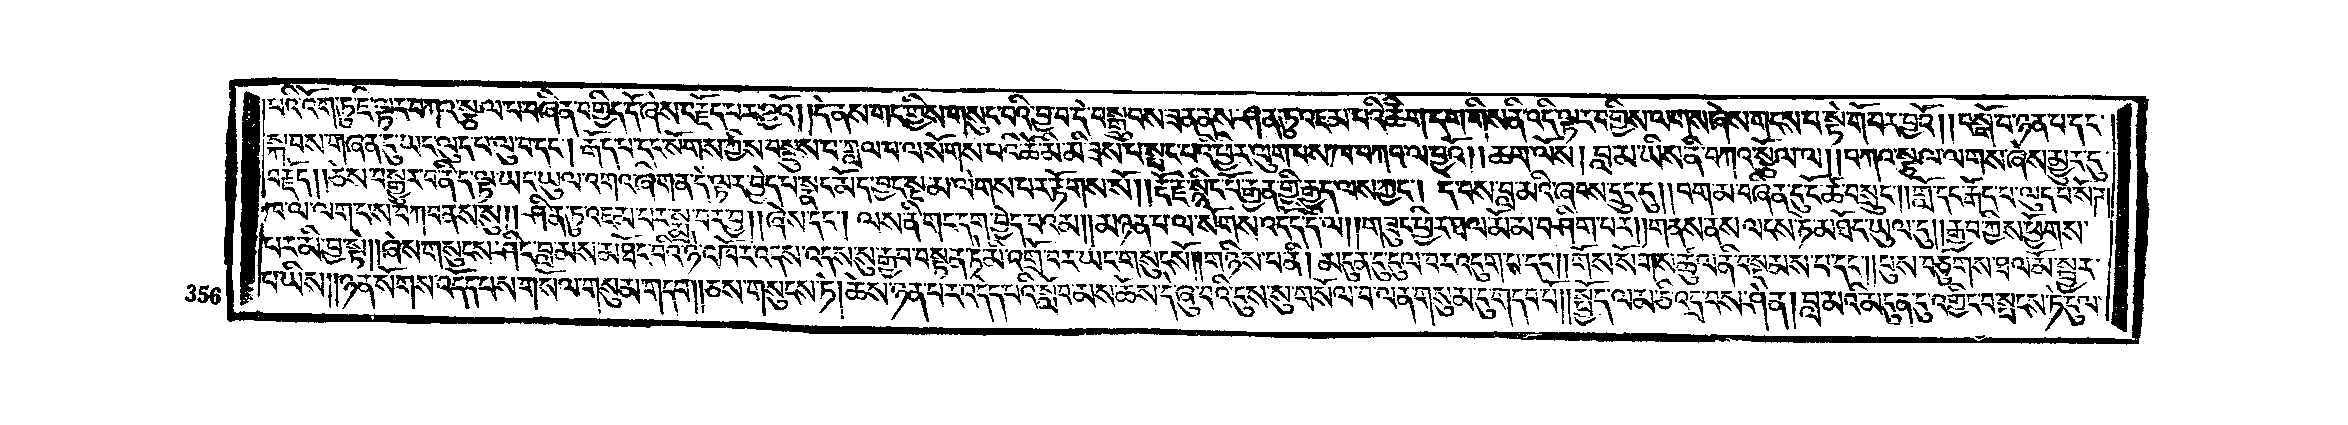པའི་འོག་ཏུ་ཇི་ལྟར་བཀའ་སྩལ་པ་བཞིན་བགྱིད་དོ་ཞེས་བརྗོད་པར་བྱའོ། །དེ་ནས་གང་གྱིས་གསུང་བའི་བྱ་བ་དེ་བསྒྲུབས་ཟན་ནས་ཤིན་ཏུ་འཇམ་པའི་ཚིག་དག་གིས་ནི་འདི་ལྟར་བགྱིས་ལགས་ཞེས་གངས་པ་སྟེ་གོ་བར་བྱའོ། །བསྒོ་བ་ཉན་པ་དང་
སྐབས་གཞན་དུ་ཡང་ལུང་པ་ལུ་བ་དང་། རྒོད་པ་དང་སོགས་ཀྱིས་བསྡུས་པ་གླལ་པ་ལ་སོགས་པའི་ཚེ་མི་མི་ཟས་པ་སྤང་པའི་ཕྱིར་ལུག་པས་ཁ་བཀབ་ལ་བྱའོ། །ཆག་ལོས། བླ་མ་ཡིས་ནི་བཀའ་སྩོལ་ལ། །བཀའ་སྩལ་ལགས་ཞེས་མྱུར་དུ་
བརྗོད། །ཅེས་བསྒྱུར་པ་ནི་ད་ལྟ་ཡང་ཡུལ་འགའ་ཞིག་ན་དེ་ལྟར་བྱེད་པ་སྣང་མོད་བྱད་སྔ་མ་ལེགས་པར་རྟོགས་སོ། །རྡོ་རྗེ་སྙིང་པོ་རྒྱན་གྱི་རྒྱུད་ལས་ཀྱང་། དེ་བས་བླ་མའི་ཞབས་དྲུང་དུ། །བག་མ་བཞིན་དུ་ངོ་ཚ་བསྲུང་། །གློ་དང་རྒོད་པ་ལུད་པ་སོཌ།
ཁ་ལ་ལག་པས་བཀབ་ནས་སུ། །ཤིན་ཏུ་འཇམ་པར་སྨྲ་བར་བྱ། །ཞེས་དང་། ལས་ནི་གང་དག་བྱེད་པའམ། །མཉན་པ་ལ་སོགས་འདོད་དེ་ལ། །གཟུང་ཕྱིར་ཐལ་མོ་མ་བཤིག་པར། །གནས་ནས་ལངས་ཏེ་མཐོང་ཡུལ་དུ། །རྒྱབ་ཀྱིས་ཕྱོགས་
པར་མི་བྱ་སྟེ། །ཞེས་གསུངས་ཤིང་བླ་མས་མཐོང་བའི་ཉེ་འཁོར་འདས་འདས་སུ་རྒྱབ་བསྟན་ཏེ་མི་འགྲོ་བར་ཡང་གསུངས་སོ། །གཉིས་པ་ནི། མདུན་དུ་དུལ་བར་འདུག་པ་དང་། །གོས་སོགས་ཚུལ་ནི་བསྡམས་པ་དང་། །པུས་བཙུགས་ཐལ་མོ་སྦྱར་
པ་ཡིས། །ཉན་སོགས་འདོད་པས་གསོལ་གསུམ་གདབ། །ཅས་གསུངས་ཏེ། ཆེས་ཉན་པར་འདེད་པའི་སློབ་མས་ཆོས་དེ་ཞུ་བའི་དུས་སུ་གསོལ་བ་ལན་གསུམ་དུ་གདབ་པོ། །སྤྱོད་ལམ་ཅི་འདྲ་བས་ཤེན། བླ་མའི་མདུན་དུ་འགྱིང་བ་སྤངས་ཏེ་དུལ་